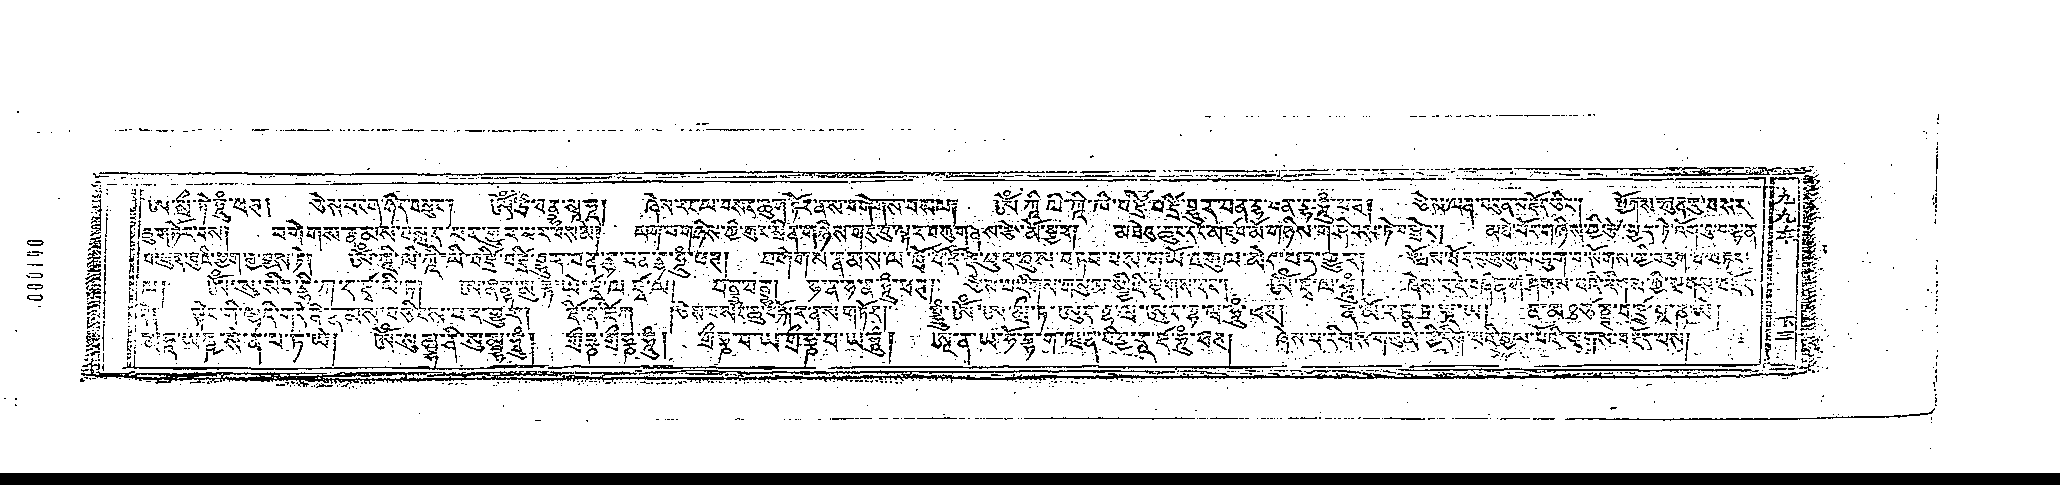ཨ་མྲྀ་ཏེ་ཧཱུཾ་ཕཊ། ཅེས་བདག་ཉིད་བསྲུང་། ཨོཾ་ཏྲི་བནྡྷ་སྭཱ་ཧཱ། ཞེས་རང་ལ་བསང་ཆུ་གཏོར་ནས་བགེགས་བསལ། ཨོཾ་ཀཱི་ལི་ཀཱི་ལི་བཛྲི་པ་ཛྲི་བྷུར་བན་དྷ་བན་དྷ་ཧཱུཾ་ཕཊ། ཅེས་ལན་བདུན་བརྗོད་ཅིང་། ཕྱོགས་ཀུན་དུ་བསང་
ཆུ་གཏོར་བས། བགེགས་རྣམས་བསྐྲད་པར་གྱུར་པར་བསམ། ལག་པ་གཉིས་ཀྱི་གུང་སྲིན་གཉིས་གདུ་བུ་ལྟར་བཀུག་ནས་རྩེ་མ་སྦྱར། མཐེའུ་ཆུང་དང་མཛུབ་མོ་གཉིས་གཤིབས་ཏེ་བསྒྲེང་། མཐེ་བོང་གཉིས་ཀྱི་རྩེ་སྦྱང་ཏེ་འོག་ཏུ་བསྟན་
བ་ཕུར་བུའི་ཕྱག་རྒྱ་བྱས་ཏེ། ཨོཾ་ཀཱི་ལི་ཀཱི་ལི་བཛྲི་བཛྲི་བྷར་པ་ན་དྷ་པ་ན་དྷ་ཧཱུཾ་ཕཊ། བགེགས་རྣམས་ལ་ཁྲོ་བོ་རྡོ་རྗེ་ཕུར་སྤུས་བཏབ་པས་གཡོ་འགུལ་མེད་པར་གྱུར། སྤོས་ཕོར་དུ་གུ་ཕུལ་ཤུག་པ་སོགས་ཀྱི་བདུག་པ་བཏང་
ལ། ཨོཾ་སུ་སིད་དྷི་ཀ་ར་ཛྭ་ལི་ཏ། ཨ་ནནྟ་མུ་རྟེ་ཡེ་ཛྭ་ལ་ཛྭ་ལ། བནྡྷ་བནྡྷ། ཧ་ན་ཧ་ན་ཧཱུཾ་ཕཊ། ཅེས་པ་རིགས་གསུམ་སྤྱིའི་སྔགས་དང་། ཨོཾ་ཛྭ་ལ་ཧཱུཾ། ཞེས་པ་དེ་བཞིན་གཤེགས་པའི་རིགས་ཀྱི་སྔགས་བརྗོད་
དེ། སྟིང་གི་ལྷའི་གདོན་རྣམས་བཅིངས་པར་གྱུར། ཛི་ན་ཛི་ཀ །ཅེས་བསང་ཆུ་བསྐོར་ནས་གཏོར། བྷྲུཾ་ཨོཾ་ཨ་མྲྀ་ཏ་ཨུད་བྷ་ཝ་ཨུད་བྷ་ཝ་ཧཱུཾ་ཕཊ། ན་མོ་རཏྣ་ཏྲ་ཡཱ་ཡ། ན་མཿ ཙཎྚ་བཛྲ་པཱ་ཎ་ཡེ།
མ་ཧཱ་ཡཀྵ་སེ་ན་པ་ཏ་ཡེ། ཨོཾ་སུམྦྷ་ནི་སུམྦྷ་ཧཱུཾ། གྲྀཧྞ་ཛྲཿ་ཧཱུཾ། གྲྀཧྞ་བ་ཡ་གྲྀཧྞ་པ་ཡ་ཧཱུཾ། ཨཱ་ན་ཡ་ཧོ་བྷ་ག་ཝན་བིདྱ་རཱ་ཛ་ཧཱུཾ་ཕཊ། ཞེས་པ་རིགས་གསུམ་གྱི་རིག་པའི་རྒྱལ་པོའི་སྔགས་བརྗོད་པས་